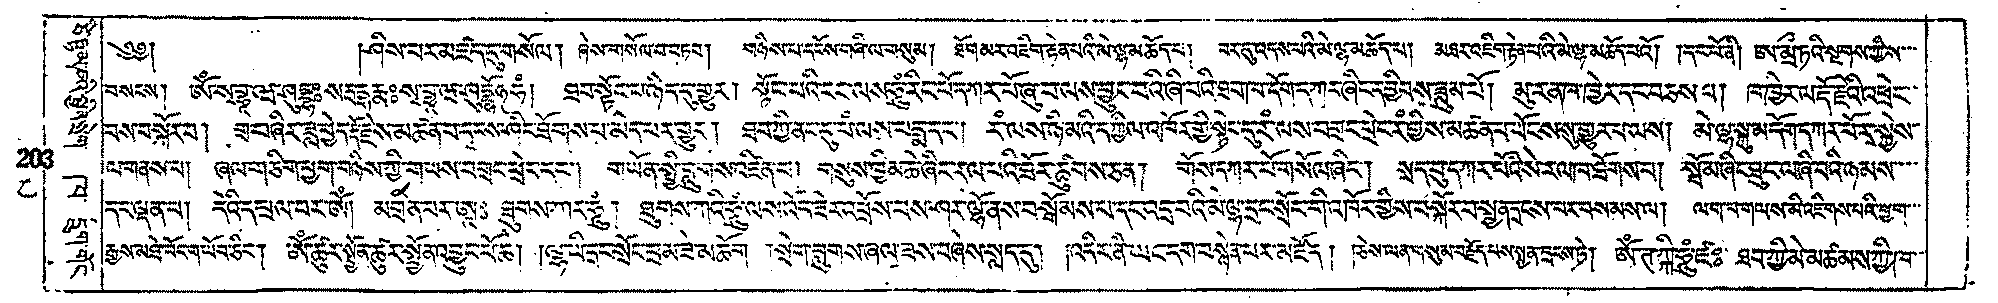༄༅། །ཤིས་པར་མཛད་དུ་གསོལ། ཞེས་གསོལ་བ་བཏབ། གཉིས་པ་དངོས་གཞི་ལ་གསུམ། ཐོག་མར་འཇིག་རྟེན་པའི་མེ་ལྷ་མཆོད་པ། བར་དུ་འདས་པའི་མེ་ལྷ་མཆོད་པ། མཐར་འཇིག་རྟེན་པའི་མེ་ལྷ་མཆོད་པའོ། །དང་པོ་ནི།  ཨ་མྲྀ་ཏའི་སྔགས་ཀྱིས་་་
བསངས། ཨོཾ་སྭ་བྷཱ་ཝ་ཤུདྡྷཿསརྦ་དྷརྨཿསྭ་བྷཱ་ཝ་ཤུདྡྷོཉཧཾ། ཐབ་སྟོང་པ་ཉིད་དུ་གྱུར། སྟོང་པའི་ངང་ལས་ཧཱུཾ་རིང་པོ་དཀར་པོ་ཞུ་བ་ལས་བྱུང་བའི་ཞི་བའི་ཐབ་ཁ་དོག་དཀར་ཞིང་དབྱིབས་ཟླུམ་པོ། མུ་རན་ཁ་ཁྱེར་དང་བཅས་པ། ཁ་ཁྱེར་ལ་རྡོ་རྗེའི་འཕྲེང་་་
བས་བསྐོར་བ། གྲ་བཞིར་ཟླ་ཕྱེད་རྡོ་རྗེས་མཚན་པ་དྭངས་ཤིང་ཐོགས་པ་མེད་པར་གྱུར། ཐབ་ཀྱི་ནང་དུ་པཾ་ལས་པདམ་དང་། རཾ་ལས་ཉི་མའི་དཀྱིལ་འཁོར་གྱི་སྟེང་དུ་རཾ་ལས་བགྲང་ཕྲེང་རཾ་གྱིས་མཚན་པ་ཡོངས་སུ་གྱུར་པ་ལས། མེ་ལྷ་སྐུ་མདོག་དཀར་པོ་རྭ་སྐྱེས་་་
ལ་གནས་པ། ཞལ་གཅིག་ཕྱག་གཉིས་ཀྱི་གཡས་བགྲང་ཕྲེང་དང་། གཡོན་སྤྱི་བླུགས་འཛིན་པ། གསུས་ཁྱིམ་ཆེ་ཞིང་རལ་པའི་ཐོར་ཚུགས་ཅན། གོས་དཀར་པོ་གསོལ་ཞིང་། སྲད་བུ་དཀར་པོའི་སེ་རལ་ཁ་ཐོགས་པ། སྦོམ་ཞིང་ཐུང་ལ་ཞི་བའི་ཉམྶ་་་
དང་ལྡན་པ། དེའི་དཔྲལ་བར་ཨོཾ། མགྲིན་པར་ཨཱཿཐུགས་ཀར་ཧཱུཾ། ཐུགས་ཀའི་ཧཱུཾ་ལས་འོད་ཟེར་འཕྲོས་པས་ཤར་ལྷོ་ནས་བསྒོམས་པ་དང་འདྲ་བའི་མེ་ལྷ་དྲང་སྲོང་གི་འཁོར་གྱིས་བསྐོར་བ་སྤྱན་དྲངས་པར་བསམས་ལ། ལག་པ་གཡས་མི་འཇིགས་པའི་ཕྱག་་་
རྒྱས་མཐེ་བོང་གཡོབ་ཅིང་། ཨོཾ་ཚུར་སྤྱོན་ཚུར་སྤྱོན་འབྱུང་པོ་ཆེ། །ལྷ་ཡི་དྲང་སྲོང་བྲམ་ཟེ་མཆོག། །སྲེག་བླུགས་ཞལ་ཟས་བཞེས་སླད་དུ། །འདིར་ནི་ཡང་དག་པ་བསྙེན་པར་མཛོད། །ཅེས་ལན་གསུམ་བརྗོད་པས་སྤྱན་དྲངས་ཏེ།  ཨོཾ་ཊ་ཀྐི་ཧཱུཾ་ཛཿ ཐབ་ཀྱི་མེ་མཚམས་ཀྱི་ཁ་་་